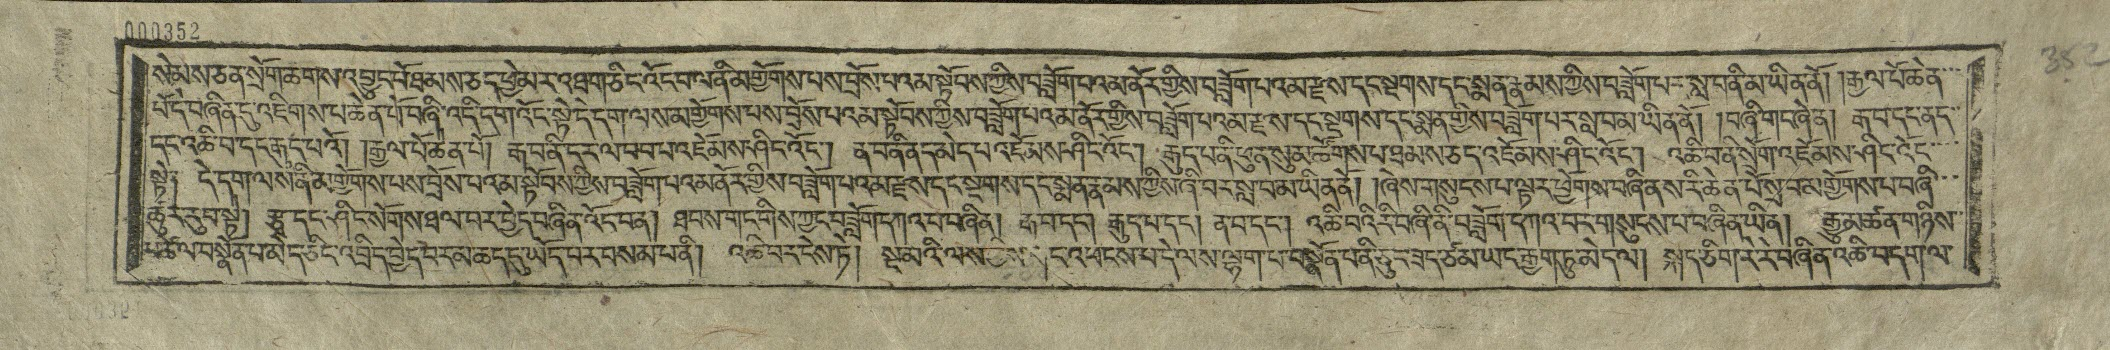སེམས་ཅན་སྲོག་ཆགས་འབྱུང་པོ་ཐམས་ཅད་ཕྱེ་མར་འཐག་ཅིང་འོང་བ་ལ་ནི་མགྱོགས་པས་བྲོས་པའམ་སྟོབས་ཀྱིས་བཟློག་པའམ་ནོར་གྱིས་བཟློག་པའམ་རྫས་དང་སྔགས་དང་སྨན་རྣམས་ཀྱིས་བཟློག་པར་སླ་བ་ནི་མ་ཡིན་ནོ། །རྒྱལ་པོ་ཆེན་
པོ་དེ་བཞིན་དུ་འཇིགས་པ་ཆེན་པོ་བཞི་འདི་དག་འོང་སྟེ་དེ་དག་ལས་མགྱོགས་པས་བྲོས་པའམ་སྟོབས་ཀྱིས་བཟློག་པའམ་ནོར་གྱིས་བཟློག་པའམ་རྫས་དང་སྔགས་དང་སྨན་གྱིས་བཟློག་པར་སླ་བ་མ་ཡིན་ནོ། །བཞི་གང་ཞེ་ན། རྒ་བ་དང་ནད་
དང་འཆི་བ་དང་རྒུད་པའོ། །རྒྱལ་པོ་ཆེན་པོ། རྒ་བ་ནི་དར་ལ་བབ་པ་འཇོམས་ཤིང་འོང་། ན་བ་ནི་ནད་མེད་པ་འཇོམས་ཤིང་འོང་། རྒུད་པ་ནི་ཕུན་སུམ་ཚོགས་པ་ཐམས་ཅད་འཇོམས་ཤིང་འོང་། འཆི་བ་ནི་སྲོག་འཇོམས་ཤིང་འོང་
སྟེ༑ དེ་དག་ལས་ནི་མགྱོགས་པས་བྲོས་པའམ་སྟོབས་ཀྱིས་བཟློག་པའམ་ནོར་གྱིས་བཟློག་པའམ་རྫས་དང་སྔགས་དང་སྨན་རྣམས་ཀྱིས་ཞི་བར་སླ་བ་མ་ཡིན་ནོ། །ཞེས་གསུངས་པ་ལྟར་ཕྱོགས་བཞི་ནས་རི་ཆེན་པོ་སྲ་བ་མགྱོགས་པ་བཞི་
ཚུར་རུབ་སྟེ། རྩྭ་དང་ཤིང་སོགས་ཐལ་བར་བྱེད་བཞིན་འོང་ན། ཐབས་གང་གིས་ཀྱང་བཟློག་དཀའ་བ་བཞིན། རྒ་བ་དང་། རྒུད་པ་དང་། ན་བ་དང་། འཆི་བའི་རི་བཞི་ནི་བཟློག་དཀའ་བར་གསུངས་པ་བཞིན་ཡིན། རྒྱུ་མཚན་གཉིས་
པ་ཚེ་ལ་བསྣོན་པ་མེད་ཅིང་འབྲིད་བྱེད་པར་མ་ཆད་དུ་ཡོད་པར་བསམ་པ་ནི། འཆི་བར་ངེས་ཏེ། སྔ་མའི་ལས་ཀྱིས་གང་འཕངས་པ་དེ་ལས་ལྷག་པ་བསྣོན་པ་ནི་ཅུང་ཟད་ཙམ་ཡང་རྒྱག་ཏུ་མེད་ལ། སྐད་ཅིག་རེ་རེ་བཞིན་འཆི་བདག་ལ་